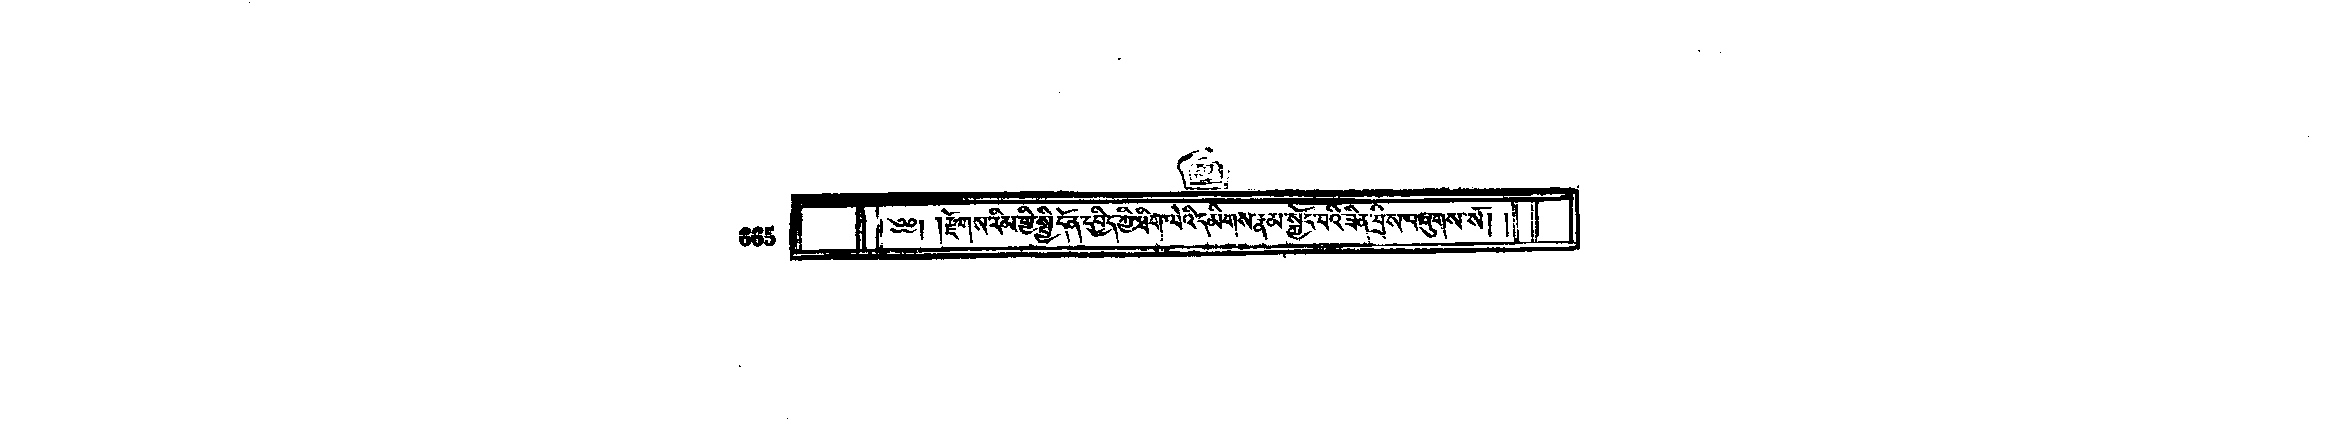༄༅། །རྫོགས་རིམ་གྱི་སྤྱི་དོན་དཔྱིད་ཀྱི་ཐིག་ལེའི་དམིགས་རྣམ་སྐྱོང་བའི་ཟིན་བྲིས་བཞུགས་སོ། །